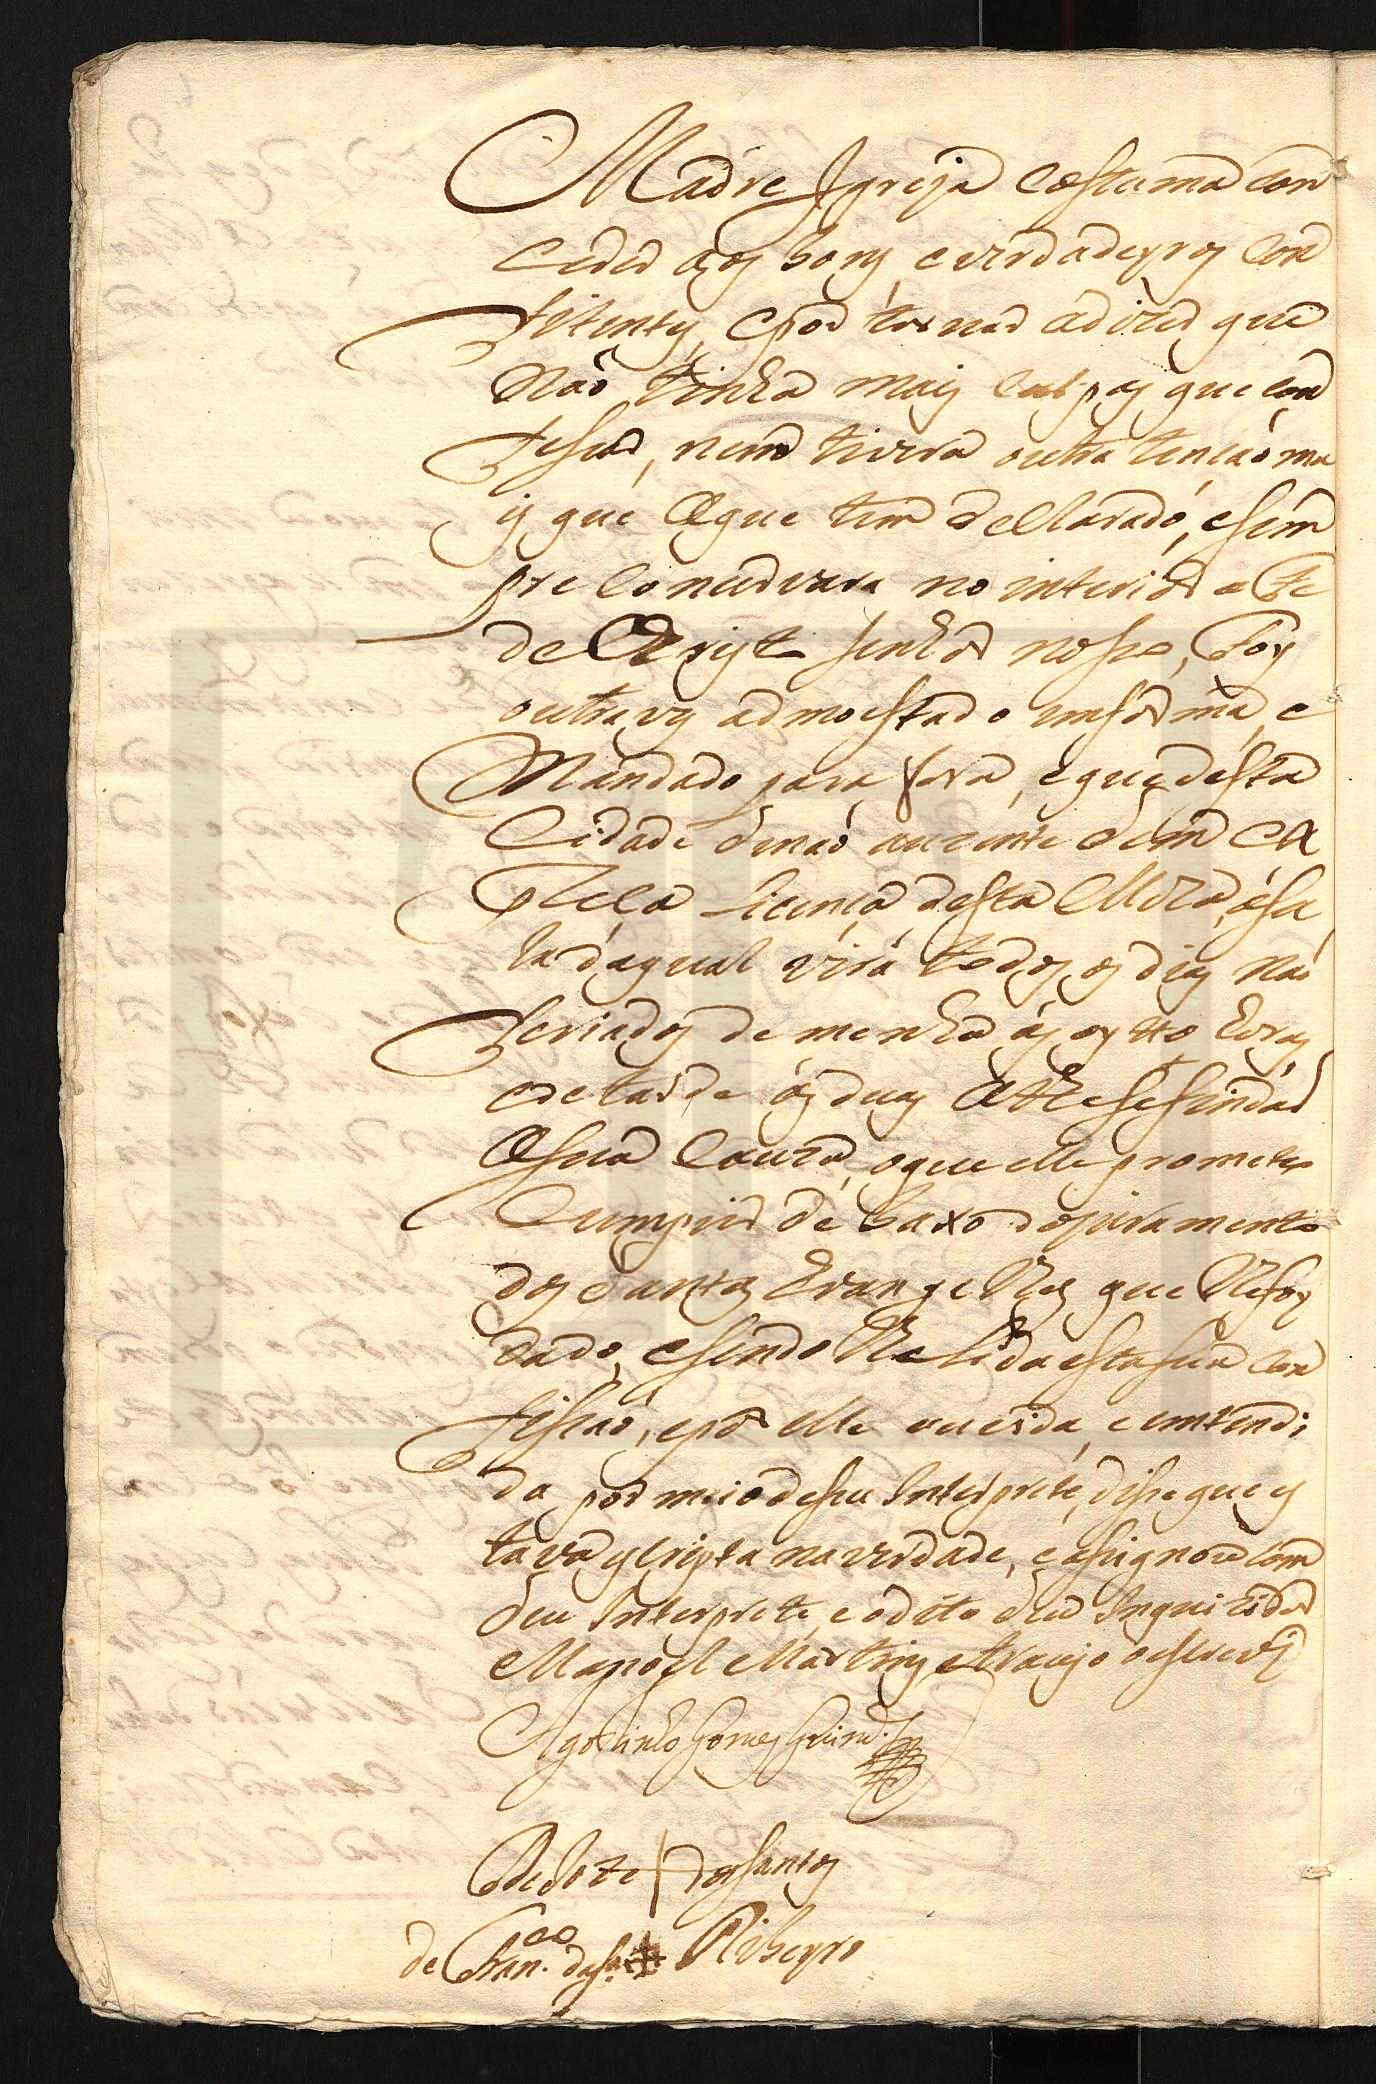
Madre Jgreja e assuma con
ceder aos bons e verdadeyros con
fitentes, e por tornar a dizer que
naõ tinha mais culpas que con
fessar, nem tivera outra tençaõ ma
es que o que tem declarado, e sem
pre concervara no interior a Fe
de Cristo senhor nosso, Foy
outra ves admoestado em forma, e
Mandado para fora, e que desta
Cidade se naõ auzente sem ex
pReça Licença desta Meza, e sa
la da qual virá todos os dias naõ
feriados de menhã ás oytto horas,
e de tarde ás duas athe se findar
a sua cauza, o que elle prometeo
Cumprir debaxo do juramento
dos Santos Evangelhos, que lhe foy
dado, e sendolhe lida esta sua con
fissaõ, e por elle ouvida e emtendi
da por meio de seu Interprete, disse que es
tava escripta na verdade, e assignou com
seu Interprete, e o dito seu Inquizidor
Manoel Martins Araujo o escrevj
Agostinho Gomes Guim.es
De IoZe + dos santos
de Fran.co da sa. + Ribeyro
